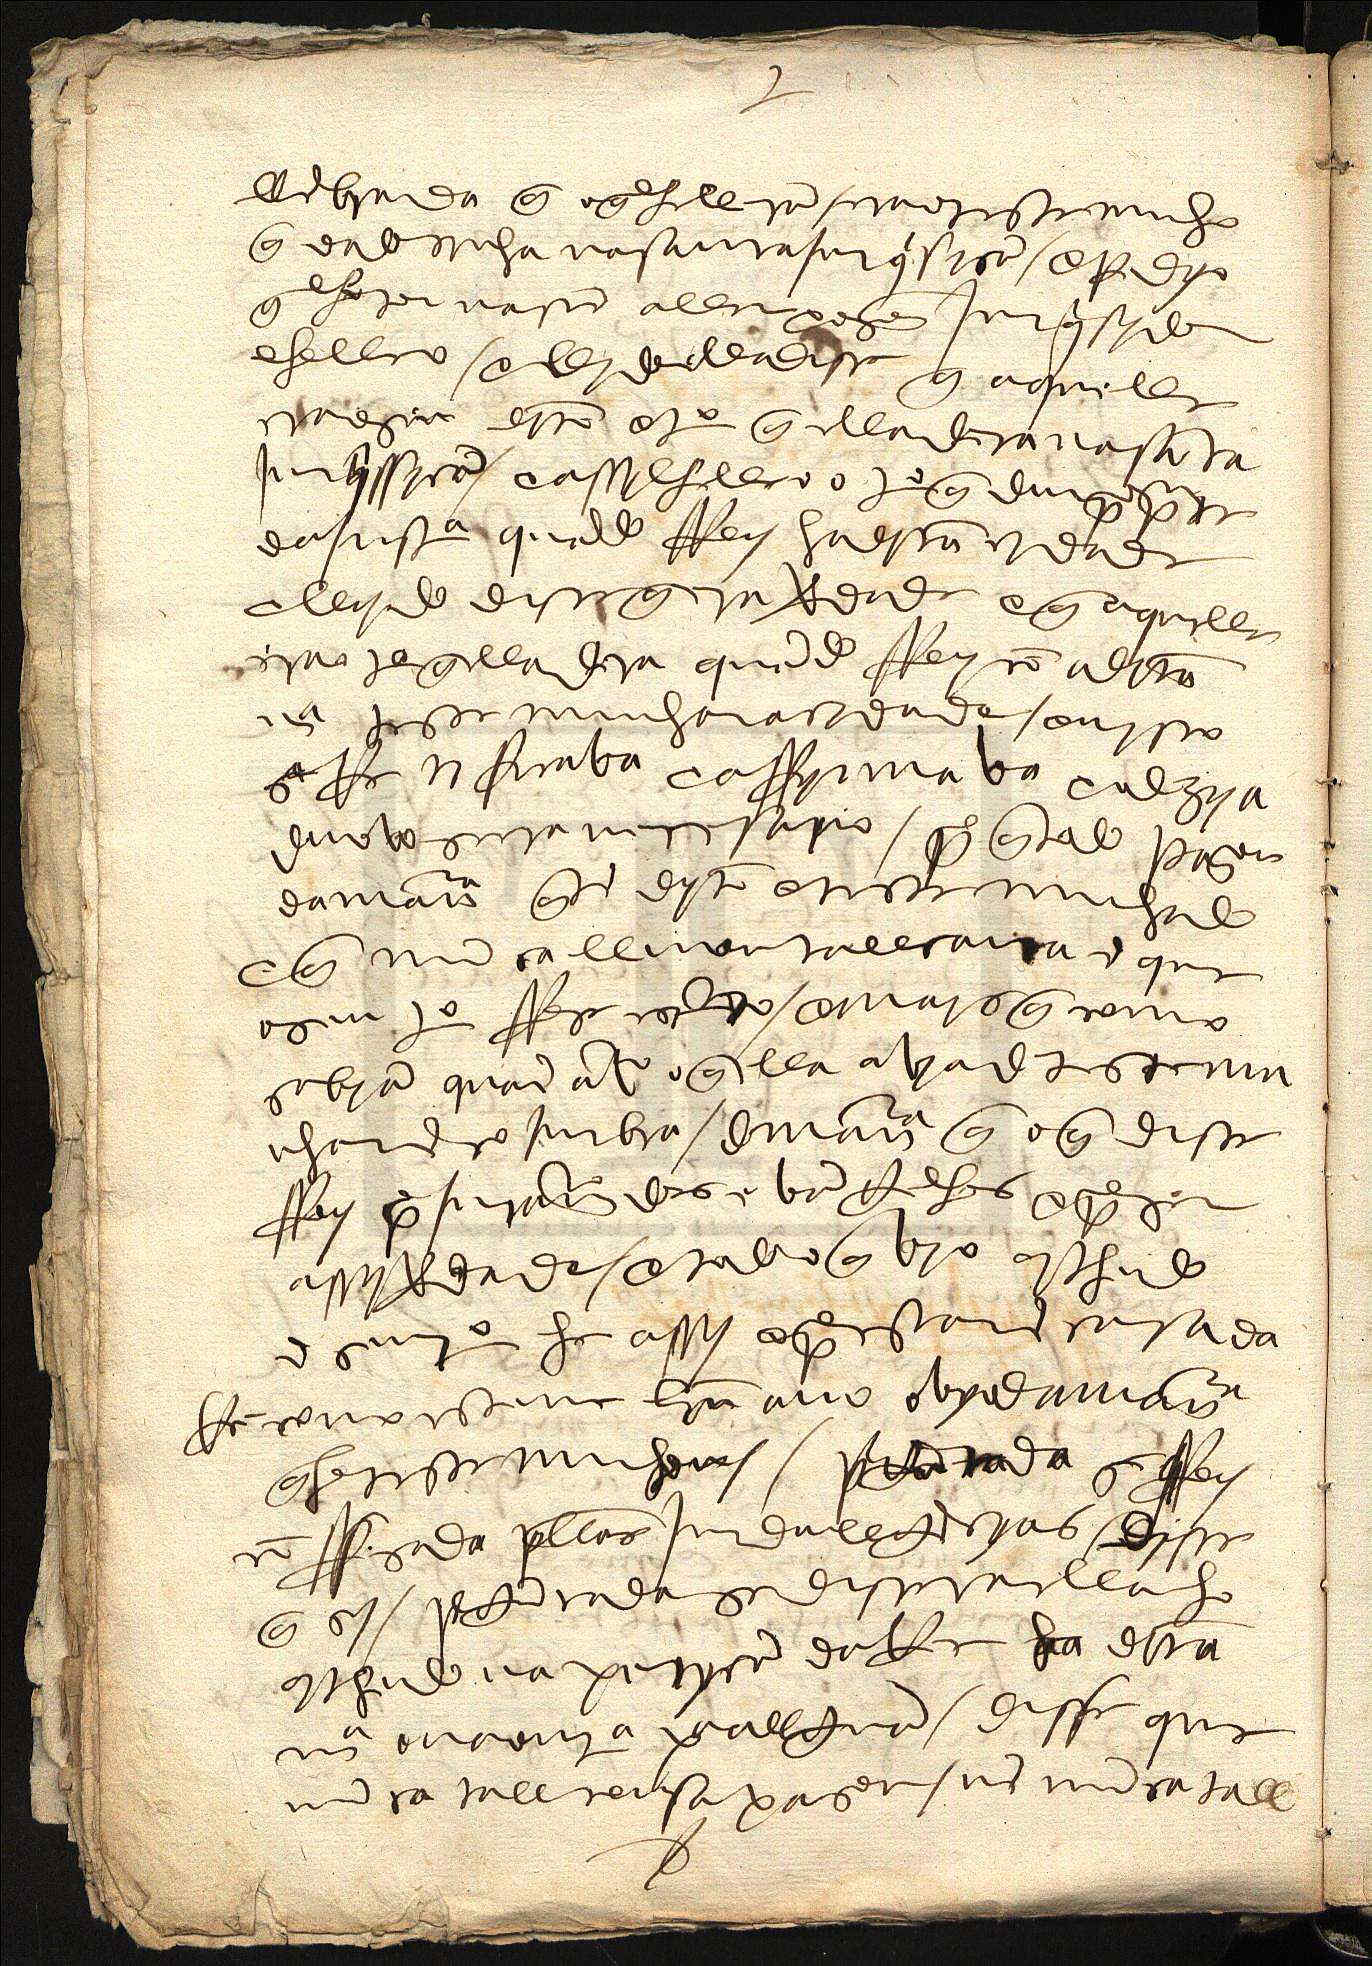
llēbrada q̄ o q̄ se llerā fora o testemunho
q̄ dado tinha na santa Jmqisiçā / e pedyo
q̄ lho tornasē a ller e o s̄or Jmqisydor
lhe lle / e lljdo ella dise q̄ aquelle
era o seu dito e to q̄ ella dera na sāta
Jmq̄ssjçā/ e assy lhe lleo o to q̄ deo p̄o p̄te
da Justa quādo ffoy ha djta cidade
e llydo disse q̄ era ꝟdade e q̄ aquelle
era o to q̄ ella dera quādo ffoy c̄o a djta
ma testemunhar a cidade / e njsso
se Retificava e affyrmava e o dezya
de novo se era necesario / p̄oq̄ todo pasou
da manra q̄ tē dyto e testemunhado
e q̄ nūca lleuou tall carta ē que
o seu to ffose escrto / e majs q̄ como
sabyā qua ē avro o q̄ ella avja de testemu
nhar ē coJmbra / de manra q̄ o q̄ disse
ffoy p̄o Juramto dos evāgelhos e p̄o ser
assy ꝟdade / e todo o q̄ vjo ꝯtheudo
ē seu to he assy e p̄o estar ē casa da
Ree como esteue hū ano o vyo da manra
q̄ ho testemunhou // p̄gūtada se ffoy
cōffesada pl̄las Jndullgēcyas / djsse
q̄ sy / p̄gūtada se dissera ella ho
ꝯtheudo na petyçā da Ree ha dita
ma ou a outa pa alguā / disse que
nūca tall cousa pasou / nē nūca tall
